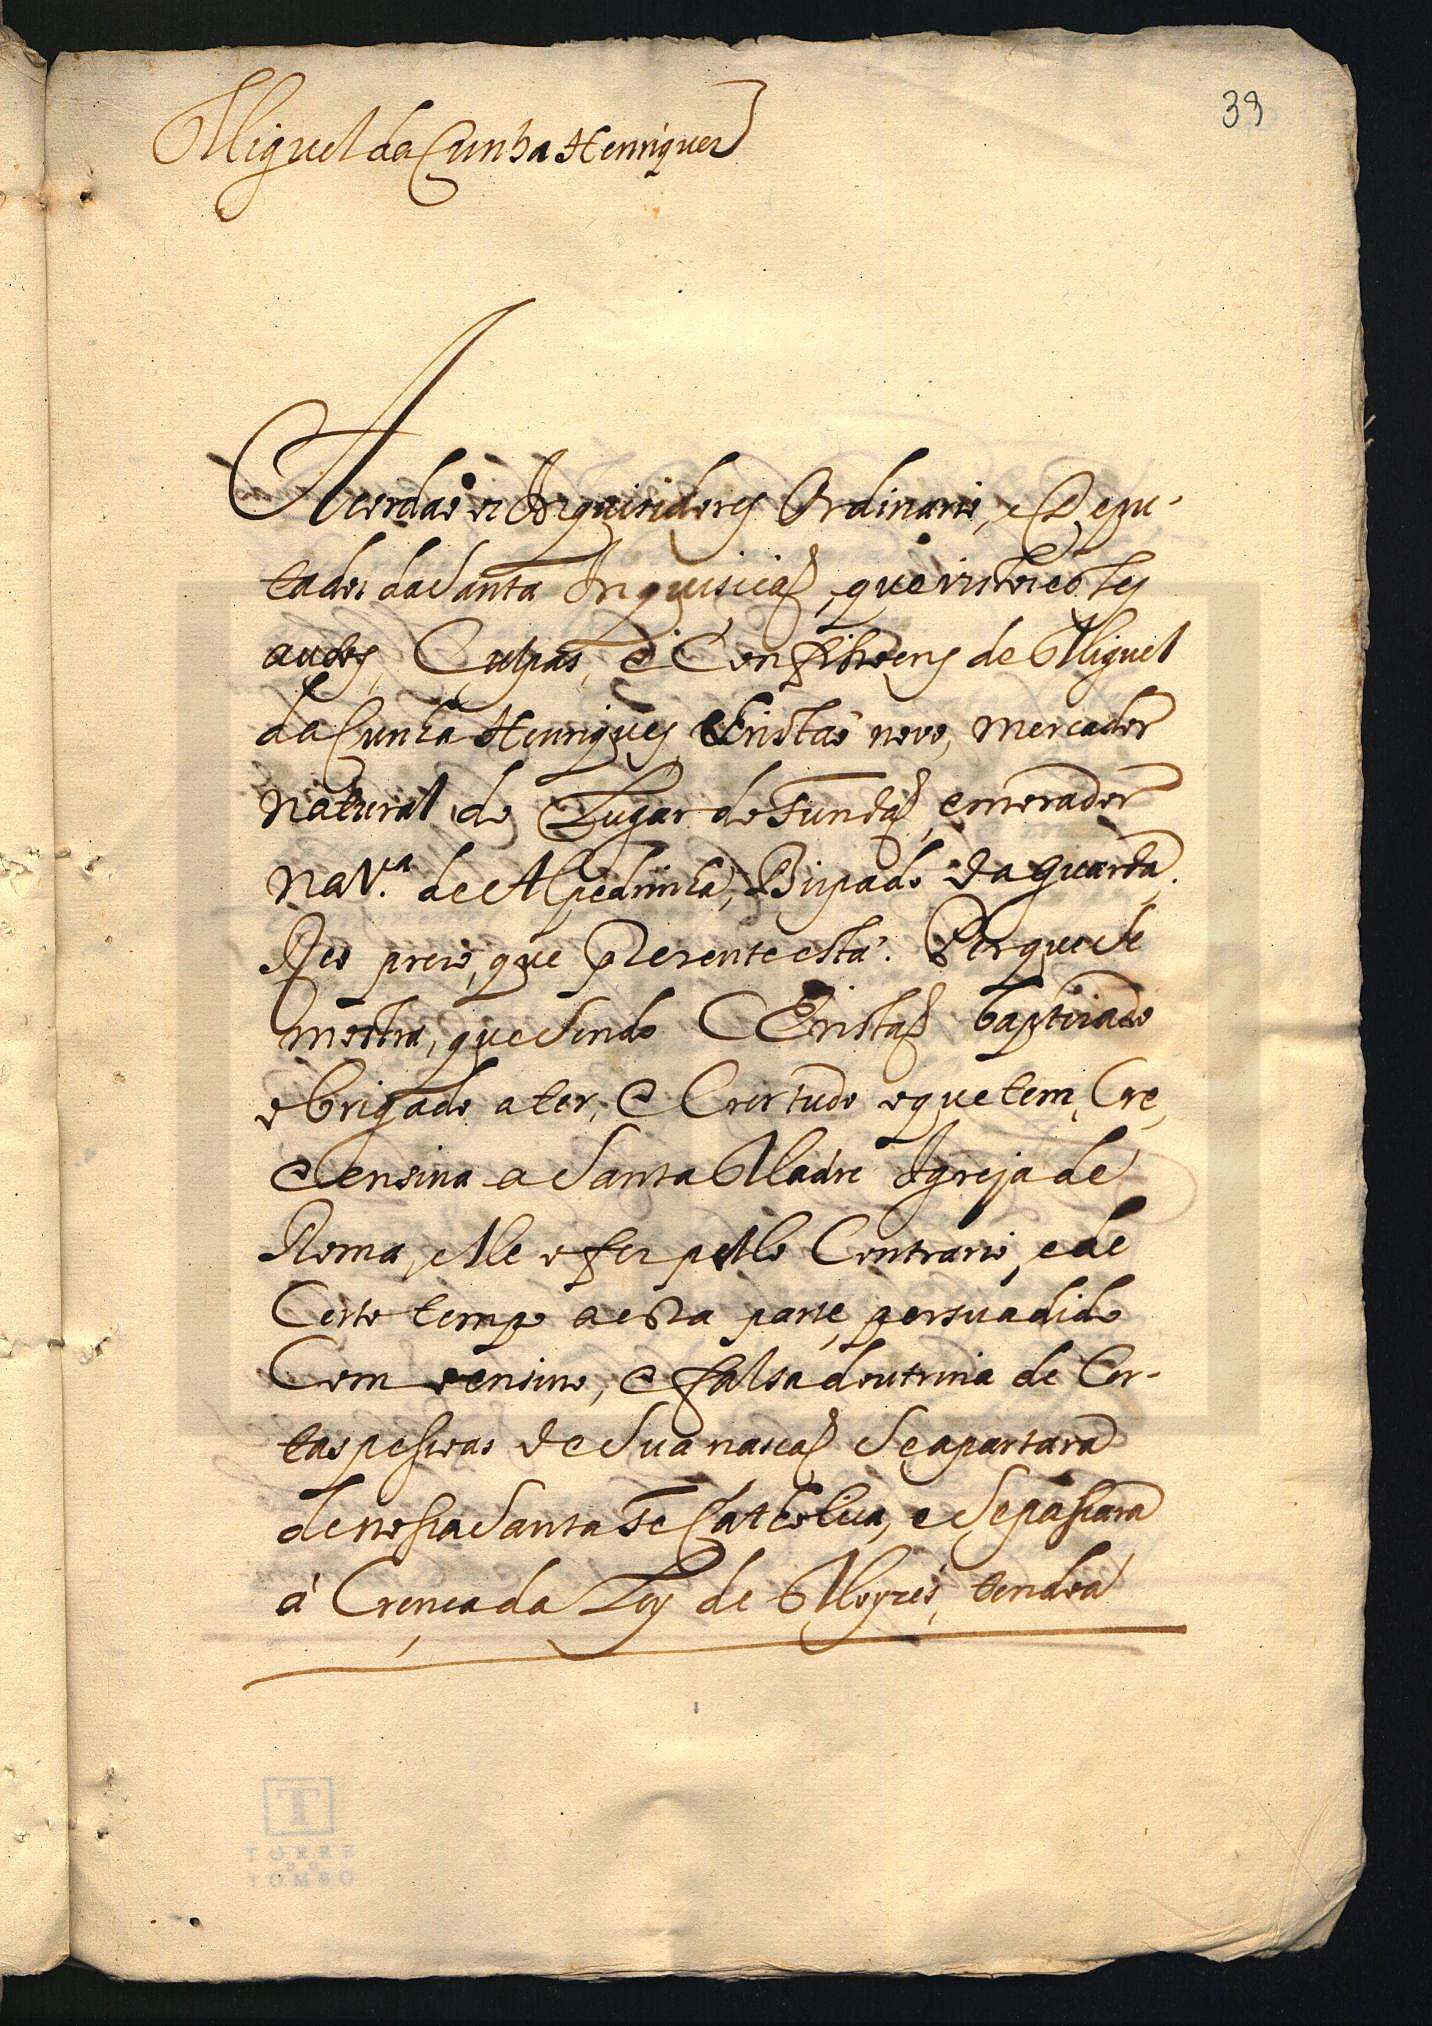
Miguel da Cunha Henriquez
Acordaõ os Inquisidores Ordinario, e Depu
tados da Santa Inquisiçaõ, que vistos estes
autos, Culpas e Confissoens de Miguel
da Cunha Henriques christaõ novo, mercador
natural do Lugar do Fundaõ, e morador
na V.a de Alpedrinha, Bispado da Guarda.
Reo preso, que pRzente está. Porque se
mostra, que sendo Christaõ baptizado
obrigado a ter, e Crer tudo o que tem, Cre
e ensina a Santa Madre Igreja de
Roma, elle o fez pello Contrario, e de
Certo tempo a esta parte, persuadido
Com o ensino, e falsa doutrina de Cer
tas pessoas de Sua nasçaõ se apartara
de nossa Santa Fe Catholica, e se passara
à Crença da Ley de Moyzés, tendoa
